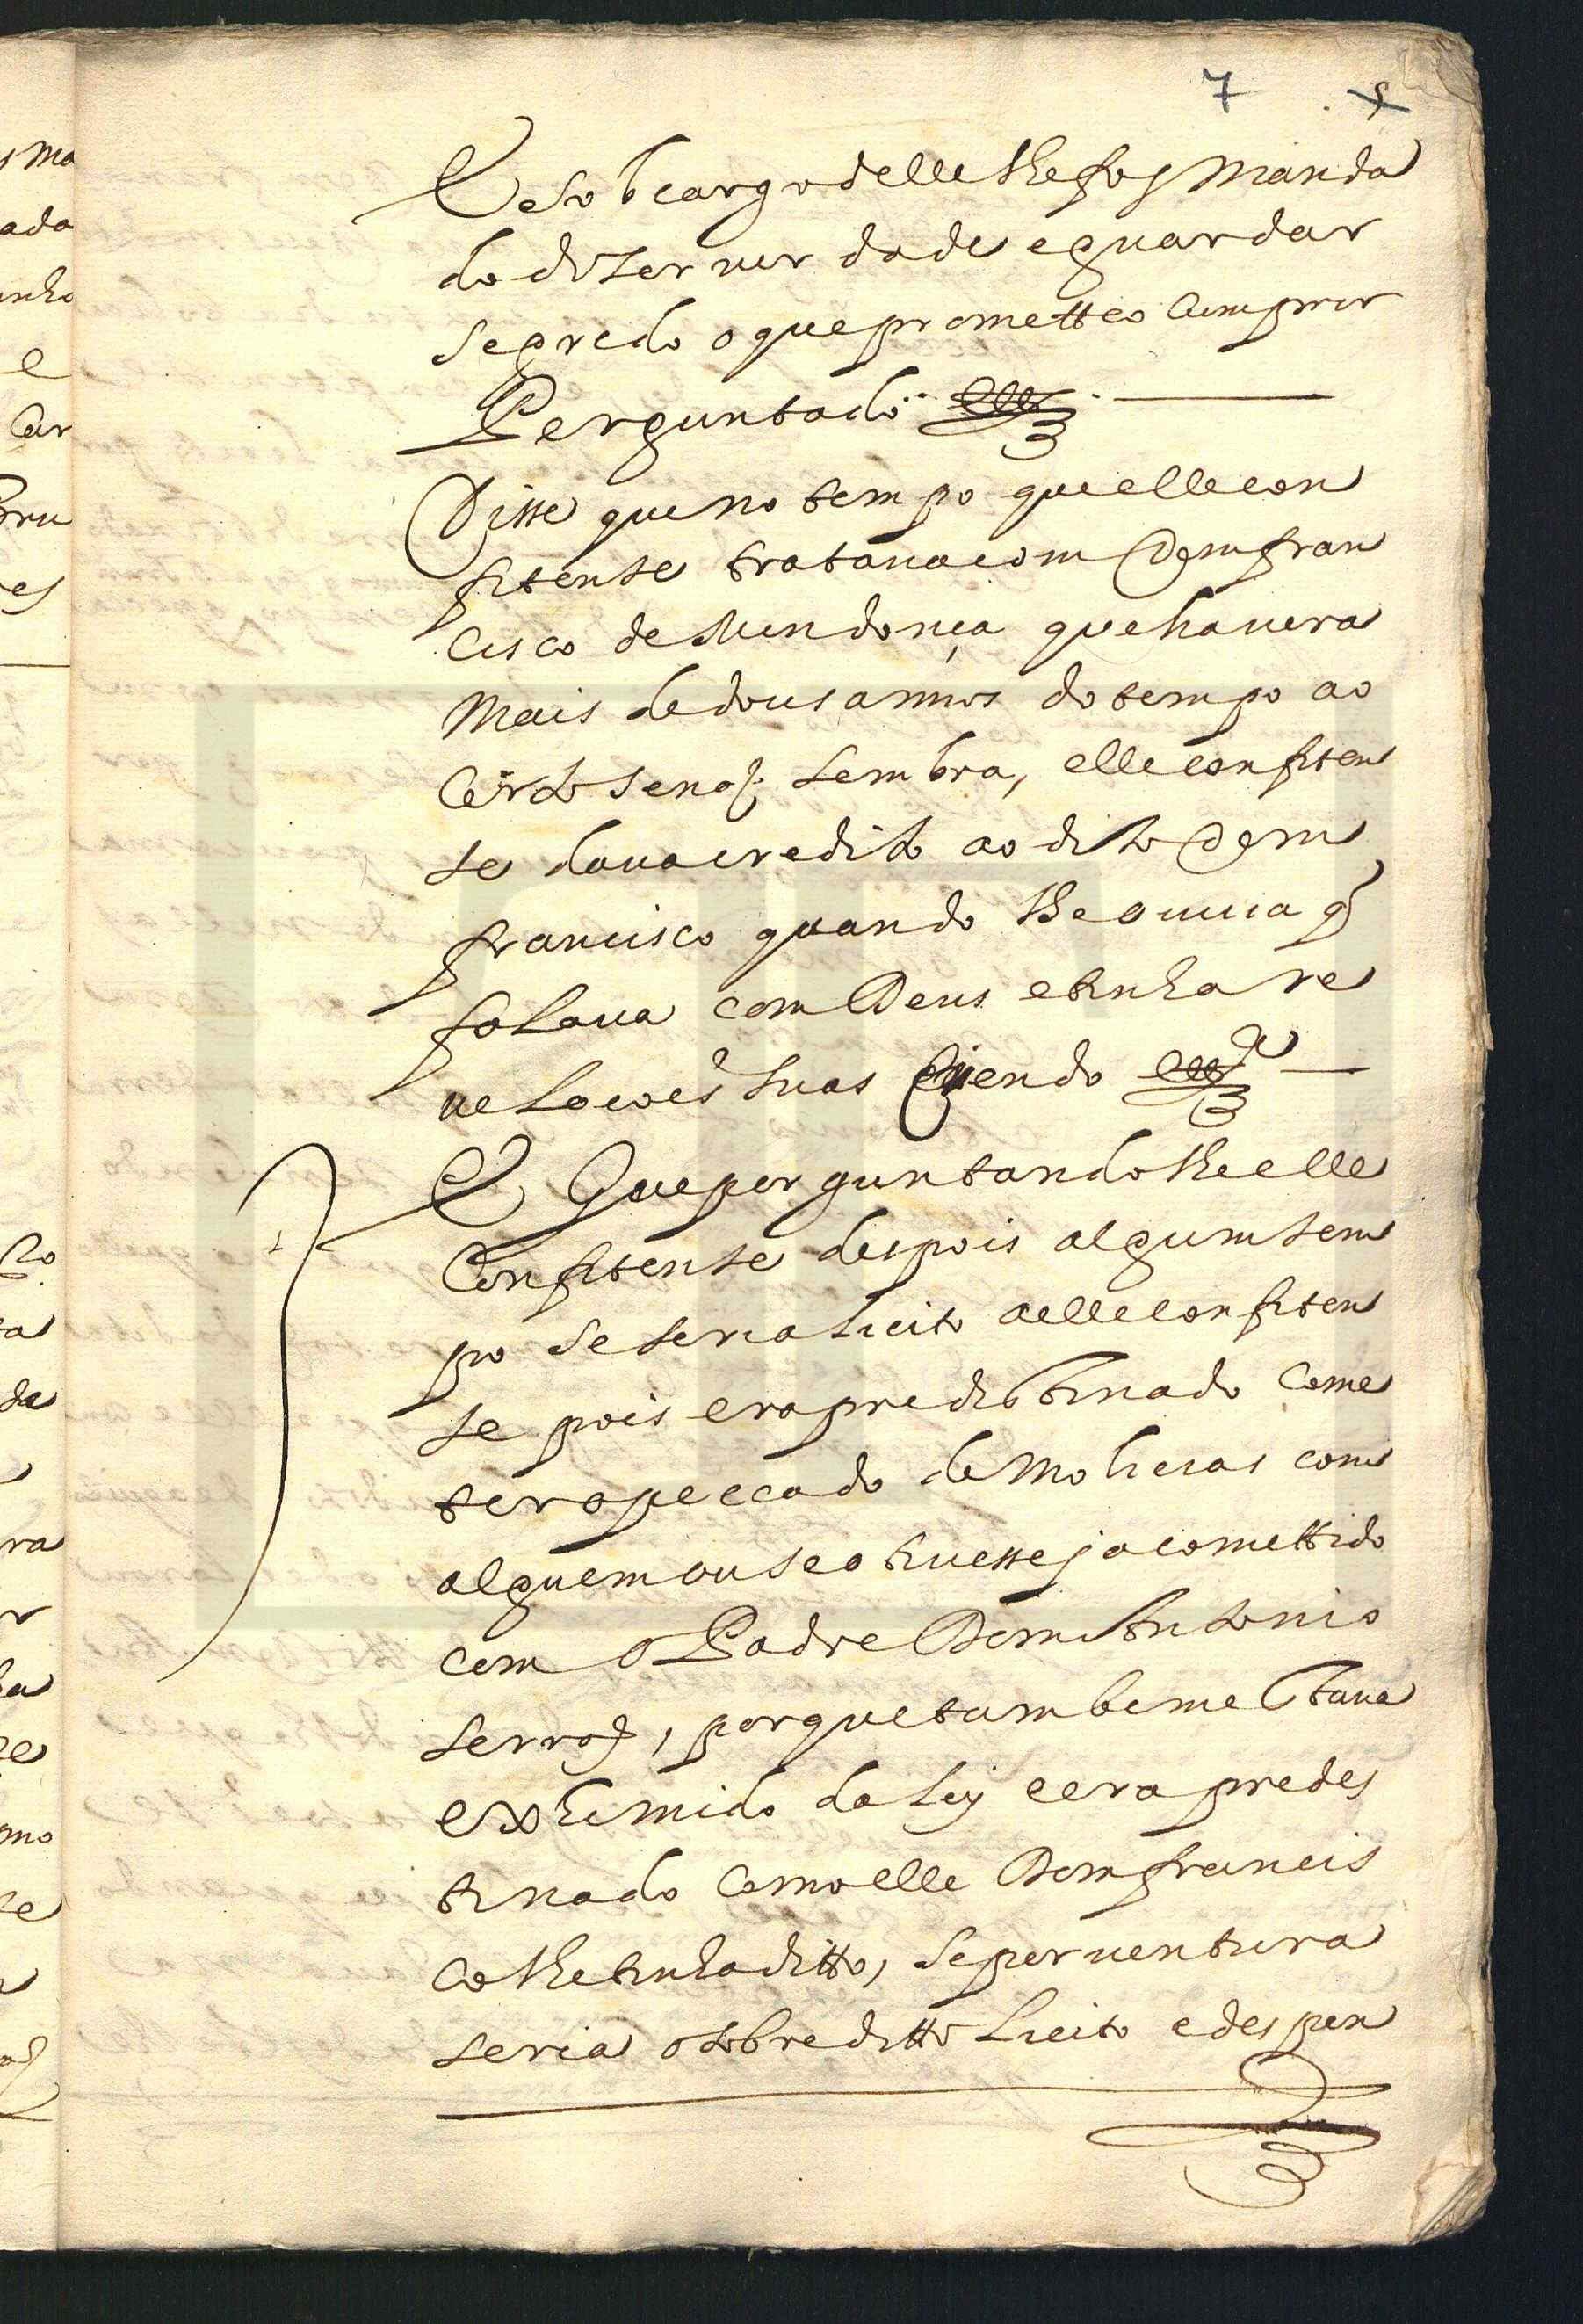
E sob cargo delle lhe foj manda
do dizer uerdade e guardar
segredo o que prometteo cumprir
Perguntado
Disse que no tempo que elle con
fitente trataua com Dom fran
cisco de Mendonça que hauera
mais de dous annos do tempo ao
certo se naõ lembra, elle confiten
te daua credito ao dito dom
francisco quando lhe ouuia q̄
falaua com Deus e tinha re
uelocoes̄ suas C_endo etta
E Que perguntadolhe elle
Confitente despois algum tem
po se seria licito a elle confiten
te pois era predestinado come
ter o peccado de molicias com
alguem ou se o tiuesse ja comettido
com o Padre Dom Antonio
Serraõ, porque tambem estaua
exhimido da Ley e era predes
tinado como elle Dom francis
co lhe tinha ditto, se per uentura
seria o sobreditto licito e despen
